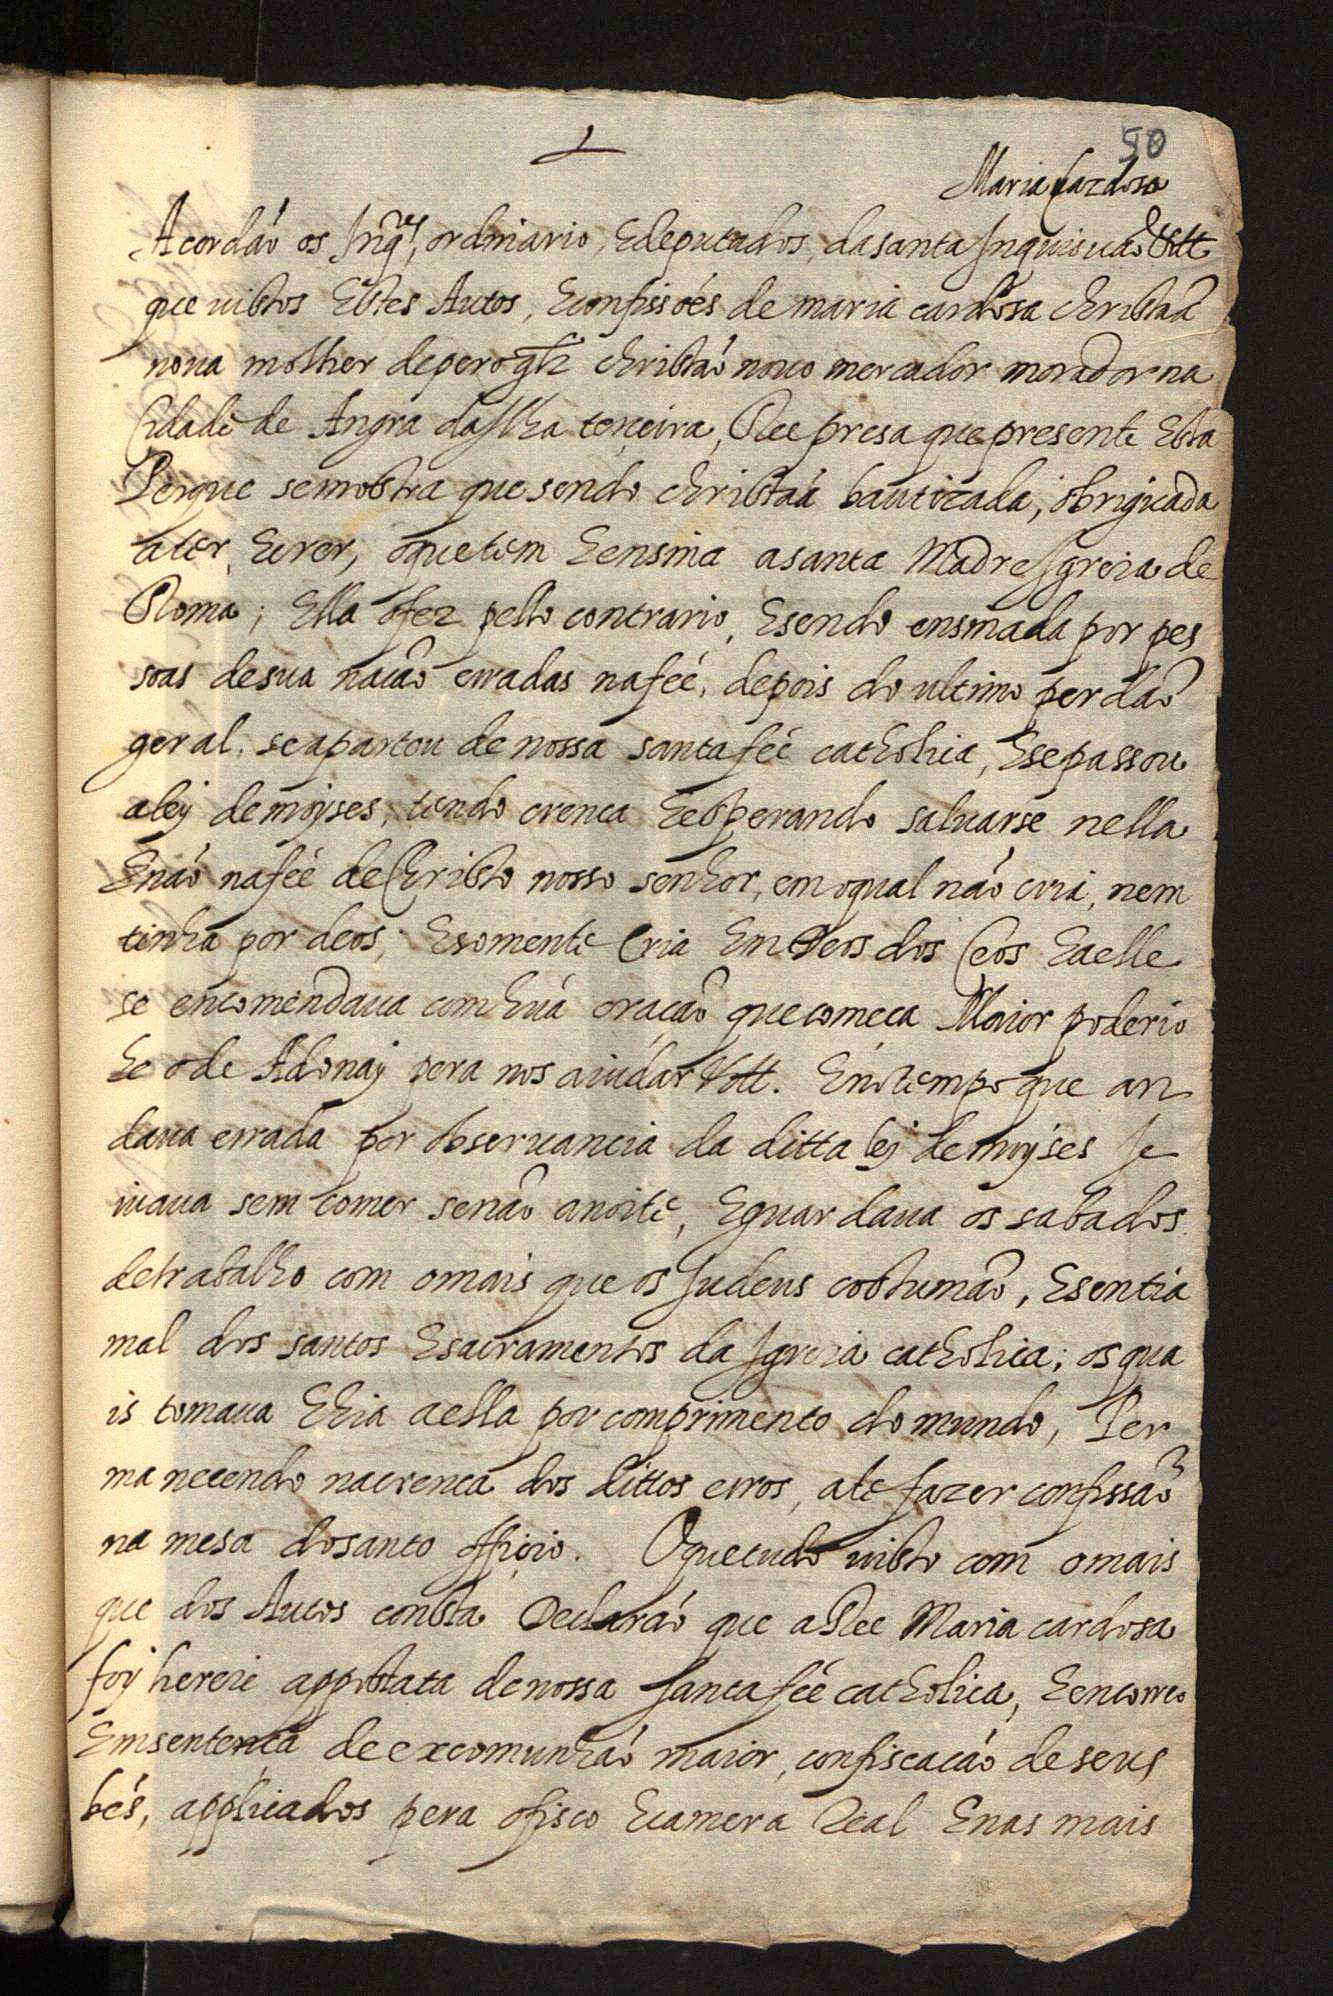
Maria Cardosa
Acordaõ os Inqres, ordinario, E deputados, da santa Jnquisicaõ &tt
que uistos Estes Autos, E confissoẽs de maria cardosa christaā
noua molher de pero gl̄z christaõ nouo mercador morador na
Cidade de Angra da Jlha terçeira, Ree presa que presente Esta
Porque se mostra que sendo christaā bautizada, obriguada
a ter, E crer, o que tem E ensina a santa Madre Jgreia de
Roma; Ella o fez pello contrario, E sendo ensinada por pes
soas de sua nacaõ erradas na feé, depois do ultimo perdaõ
geral, se apartou de nossa santa feé catholica, E se passou
a ley de moyses, tendo crenca E esperando saluarse nella
E naõ na feé de Christo nosso senhor, em o qual naõ cria, nem
tinha por deos; E somente cria Em Deos dos Ceos E a elle
se encomendaua com huā oraçaõ que começa Maior poderio
he o de Adonay pera nos aiudar &tt. E no tempo que an
daua errada por obseruancia da ditta lej de moyses Je
iuaua sem comer senaõ a noite, E guardaua os sabados
de trabalho com o mais que os Judeus costumaõ, E sentia
mal dos santos E sacramentos da Jgreia catholica; os qua
is tomaua e hia a ella por comprimento do mundo, Per
manecendo na crenca dos dittos erros, ate fazer confissaõ
na mesa do santo offiçio. O que tudo uisto com o mais
que dos Autos consta Declaraõ que a Ree Maria cardosa
foy hereie appostata de nossa santa feé catholica, E encorreo
Em sentença de excomunhaõ maior, confiscacaõ de seus
bēs, applicados pera o fisco E camera Real E nas mais
